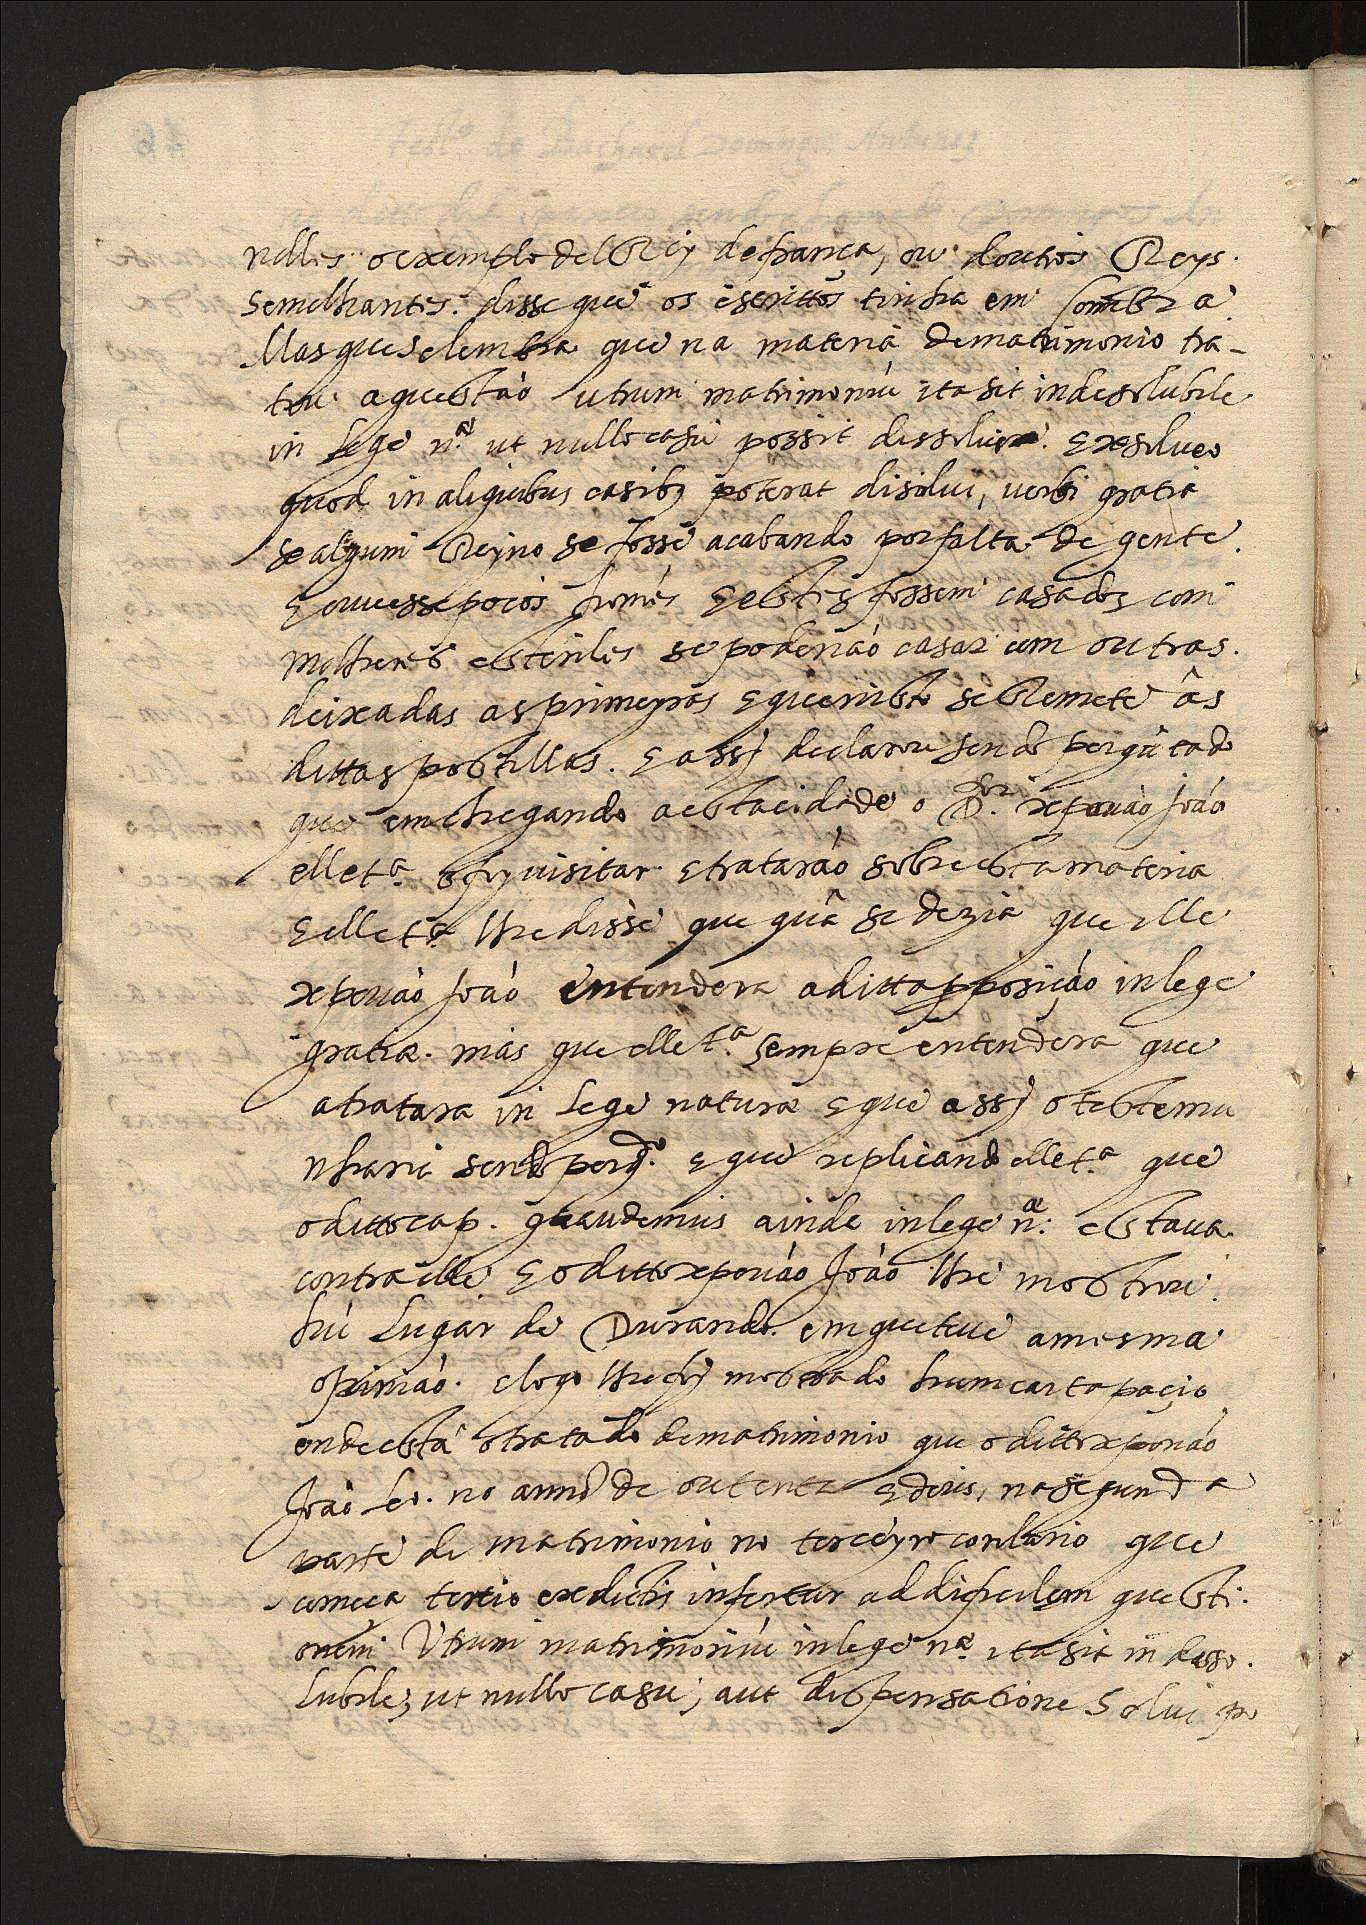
nelles o exemplo del Rey de frança, ou doutros Reys.
semelhantes disse que os escrittos tinha em Coimbra
Mas que se lembra que na materia de matrimonio tra
tou a questaõ utrum matrimoniū ita sit indesolubile
in lego n.a ut nullo casū possit dissolui E resolueo
quod in aliguibus casibꝯ poterat disolui, uerbi gratia
se algum Reyno se fosse acabando por falta de gente
E ouuesse pocos homēs E estes fossem casados com
molheres esteriles se poderiaõ casar com outras.
deixadas as primeyras E que nisto se Remete âs
dittas postillas. E assj declarou sendo pergūtado
que em chegando a esta cidade o D.tor xpouão João
elle ta. o foy uisitar E tratarão sobre esta materia
E elle t.a lhe disse que quâ se dezia que elle
xpouão João entendera a ditta ꝓposição in lege
gratiæ. mas que elle t.a sempre entendera que
a tratara in lege naturæ E que assj o testemu
nharia sendo perg.do E que replicando elle t.a que
o ditto cap. guaudemus ainde in lege n:æ estaua
contra elle E o ditto xpouão João lhe mostrou.
hū Lugar de Durando em que teue a mesma
opinião. E logo lhe foy mostrado hum cartapaçio
onde estâ o tratado de matrimonio que o ditto xpouão
Joaõ leo. no annō de outenta E dous, na segunda
parte de matrimonio no terceyro corolario que
começa tertio ex dictis infortur ad difrulem ques̄ti
onem. Vtrum matrimoniū in lege næ. ita sit in dasso.
lubiles ut nullo casu; aut dispensatione solui po
